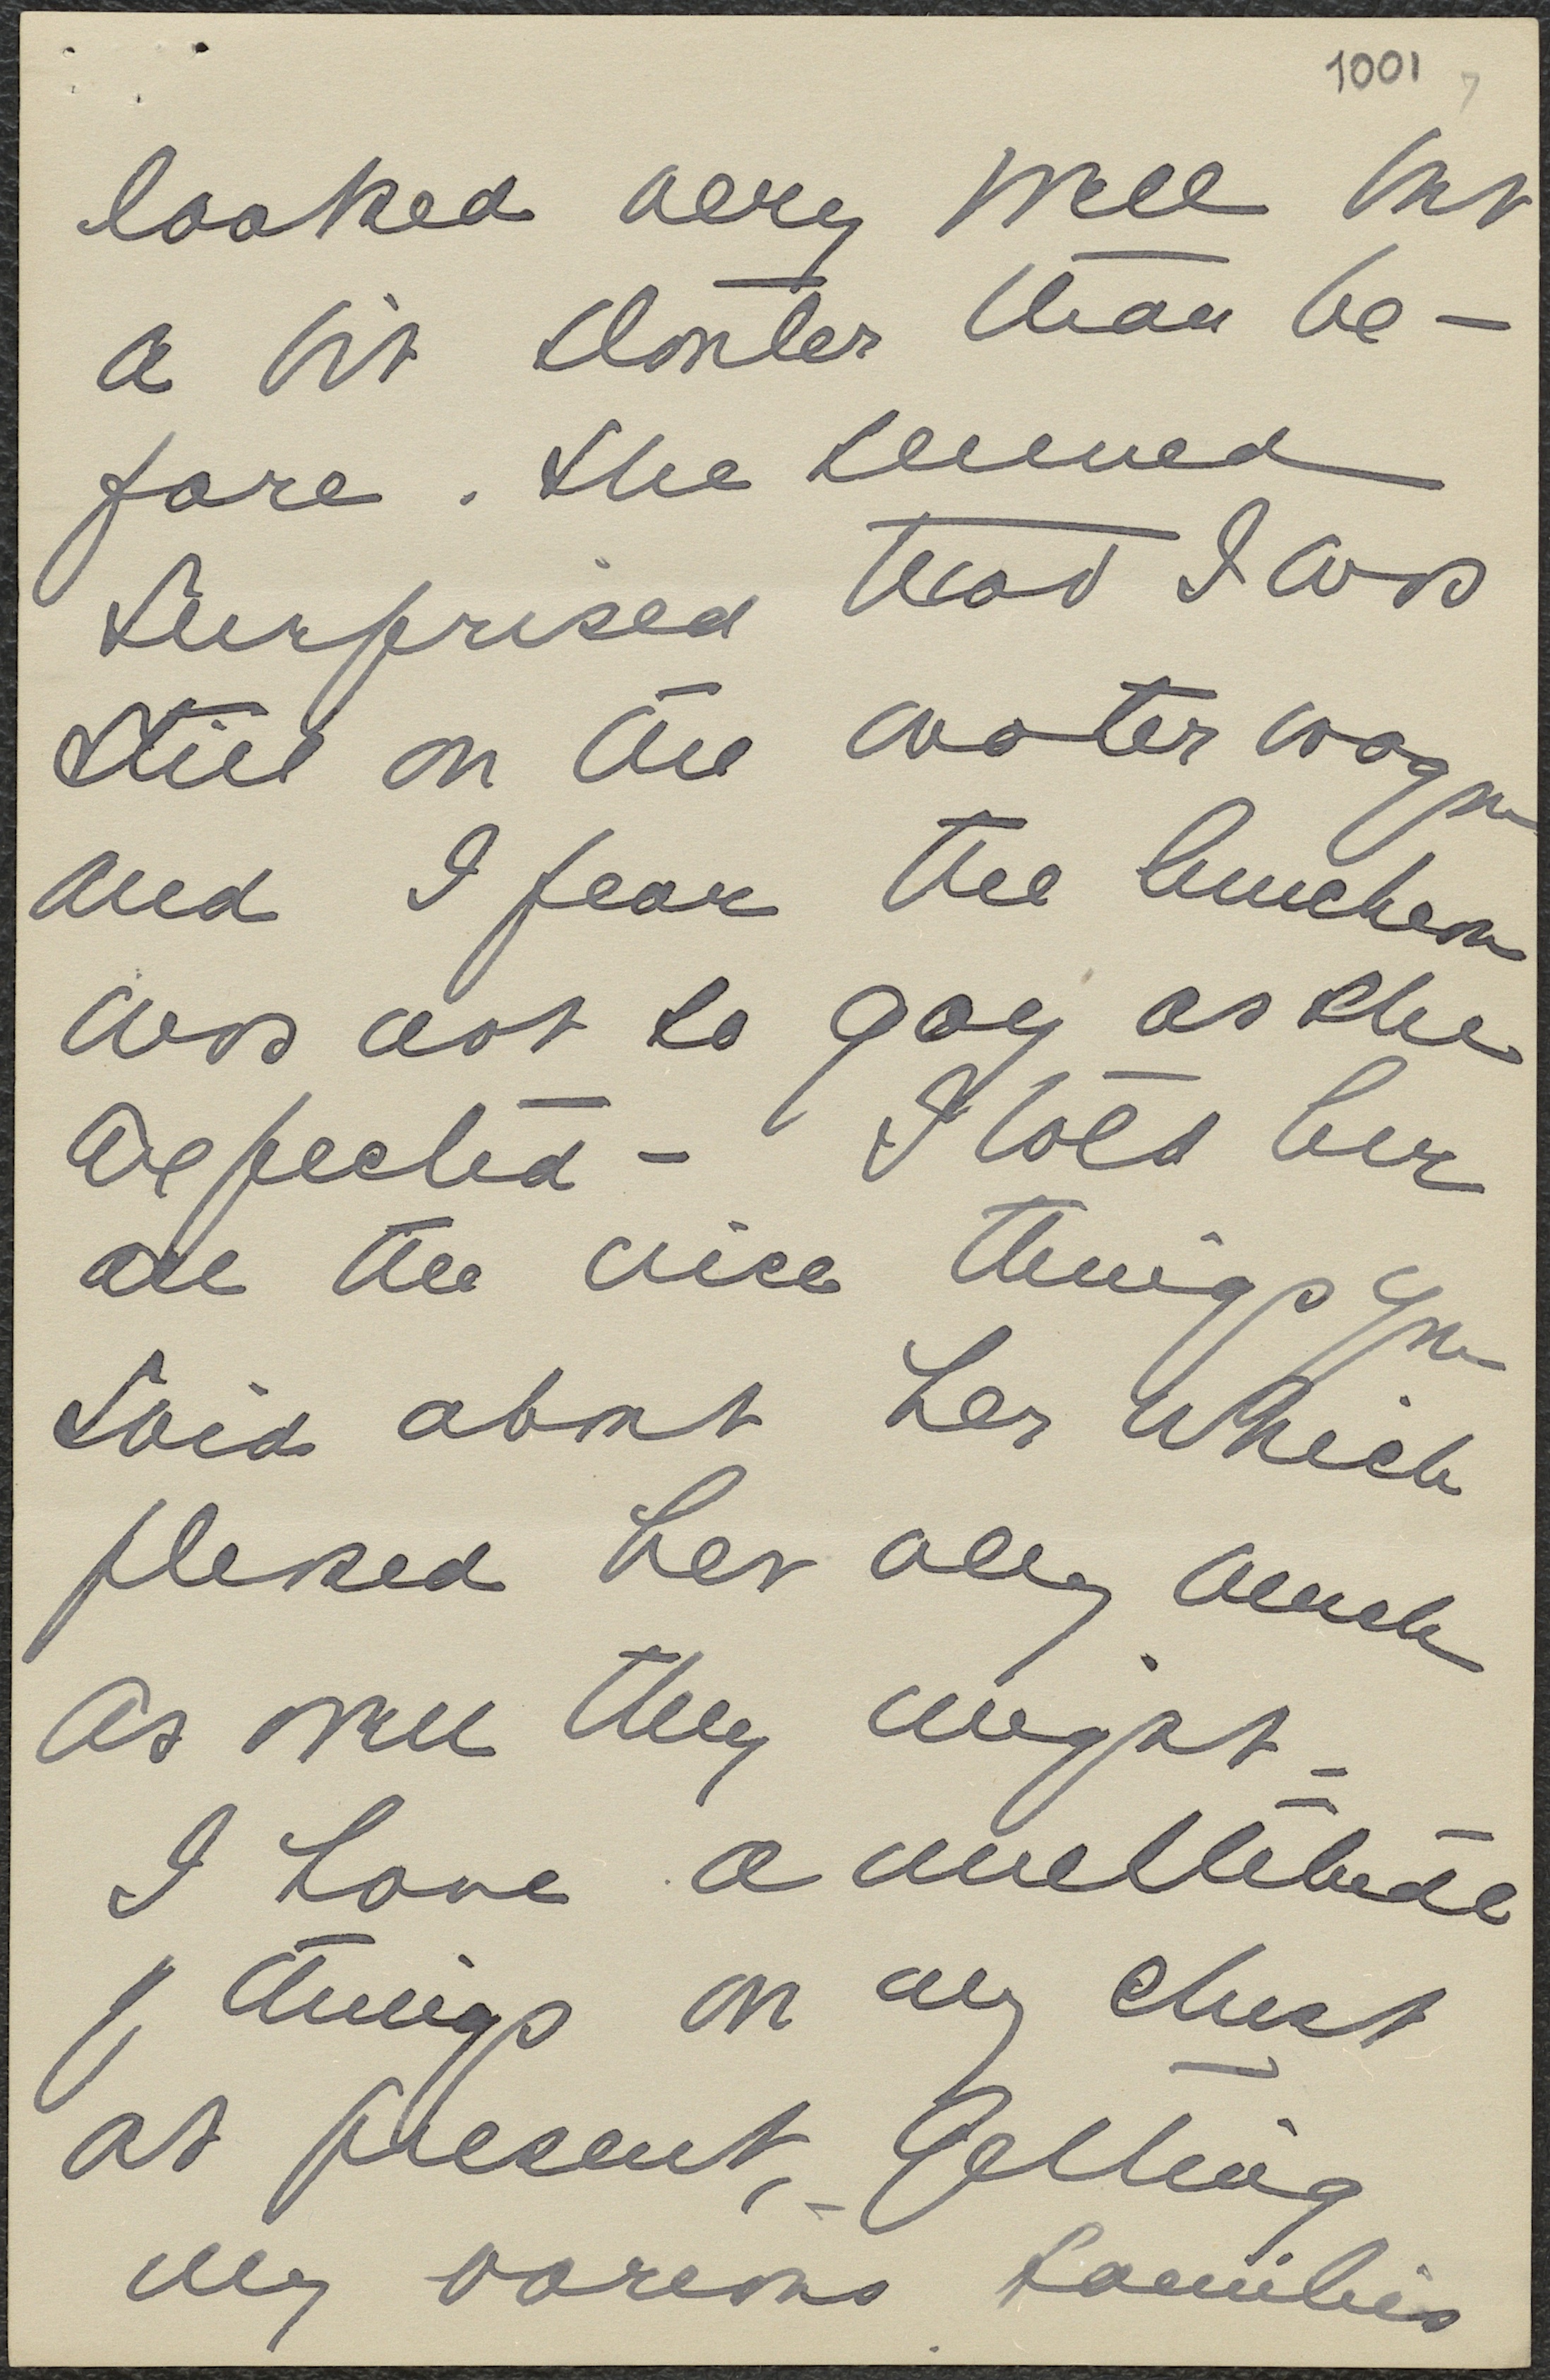looked very well but a bit stouter than before. She seemed surprised that I was still on the water wagon and I fear the luncheon was not so gay as she expected – I told her all the nice things you said about her which pleased her very much as well they might –
I have a multitude of things on my chest at present, getting my various families